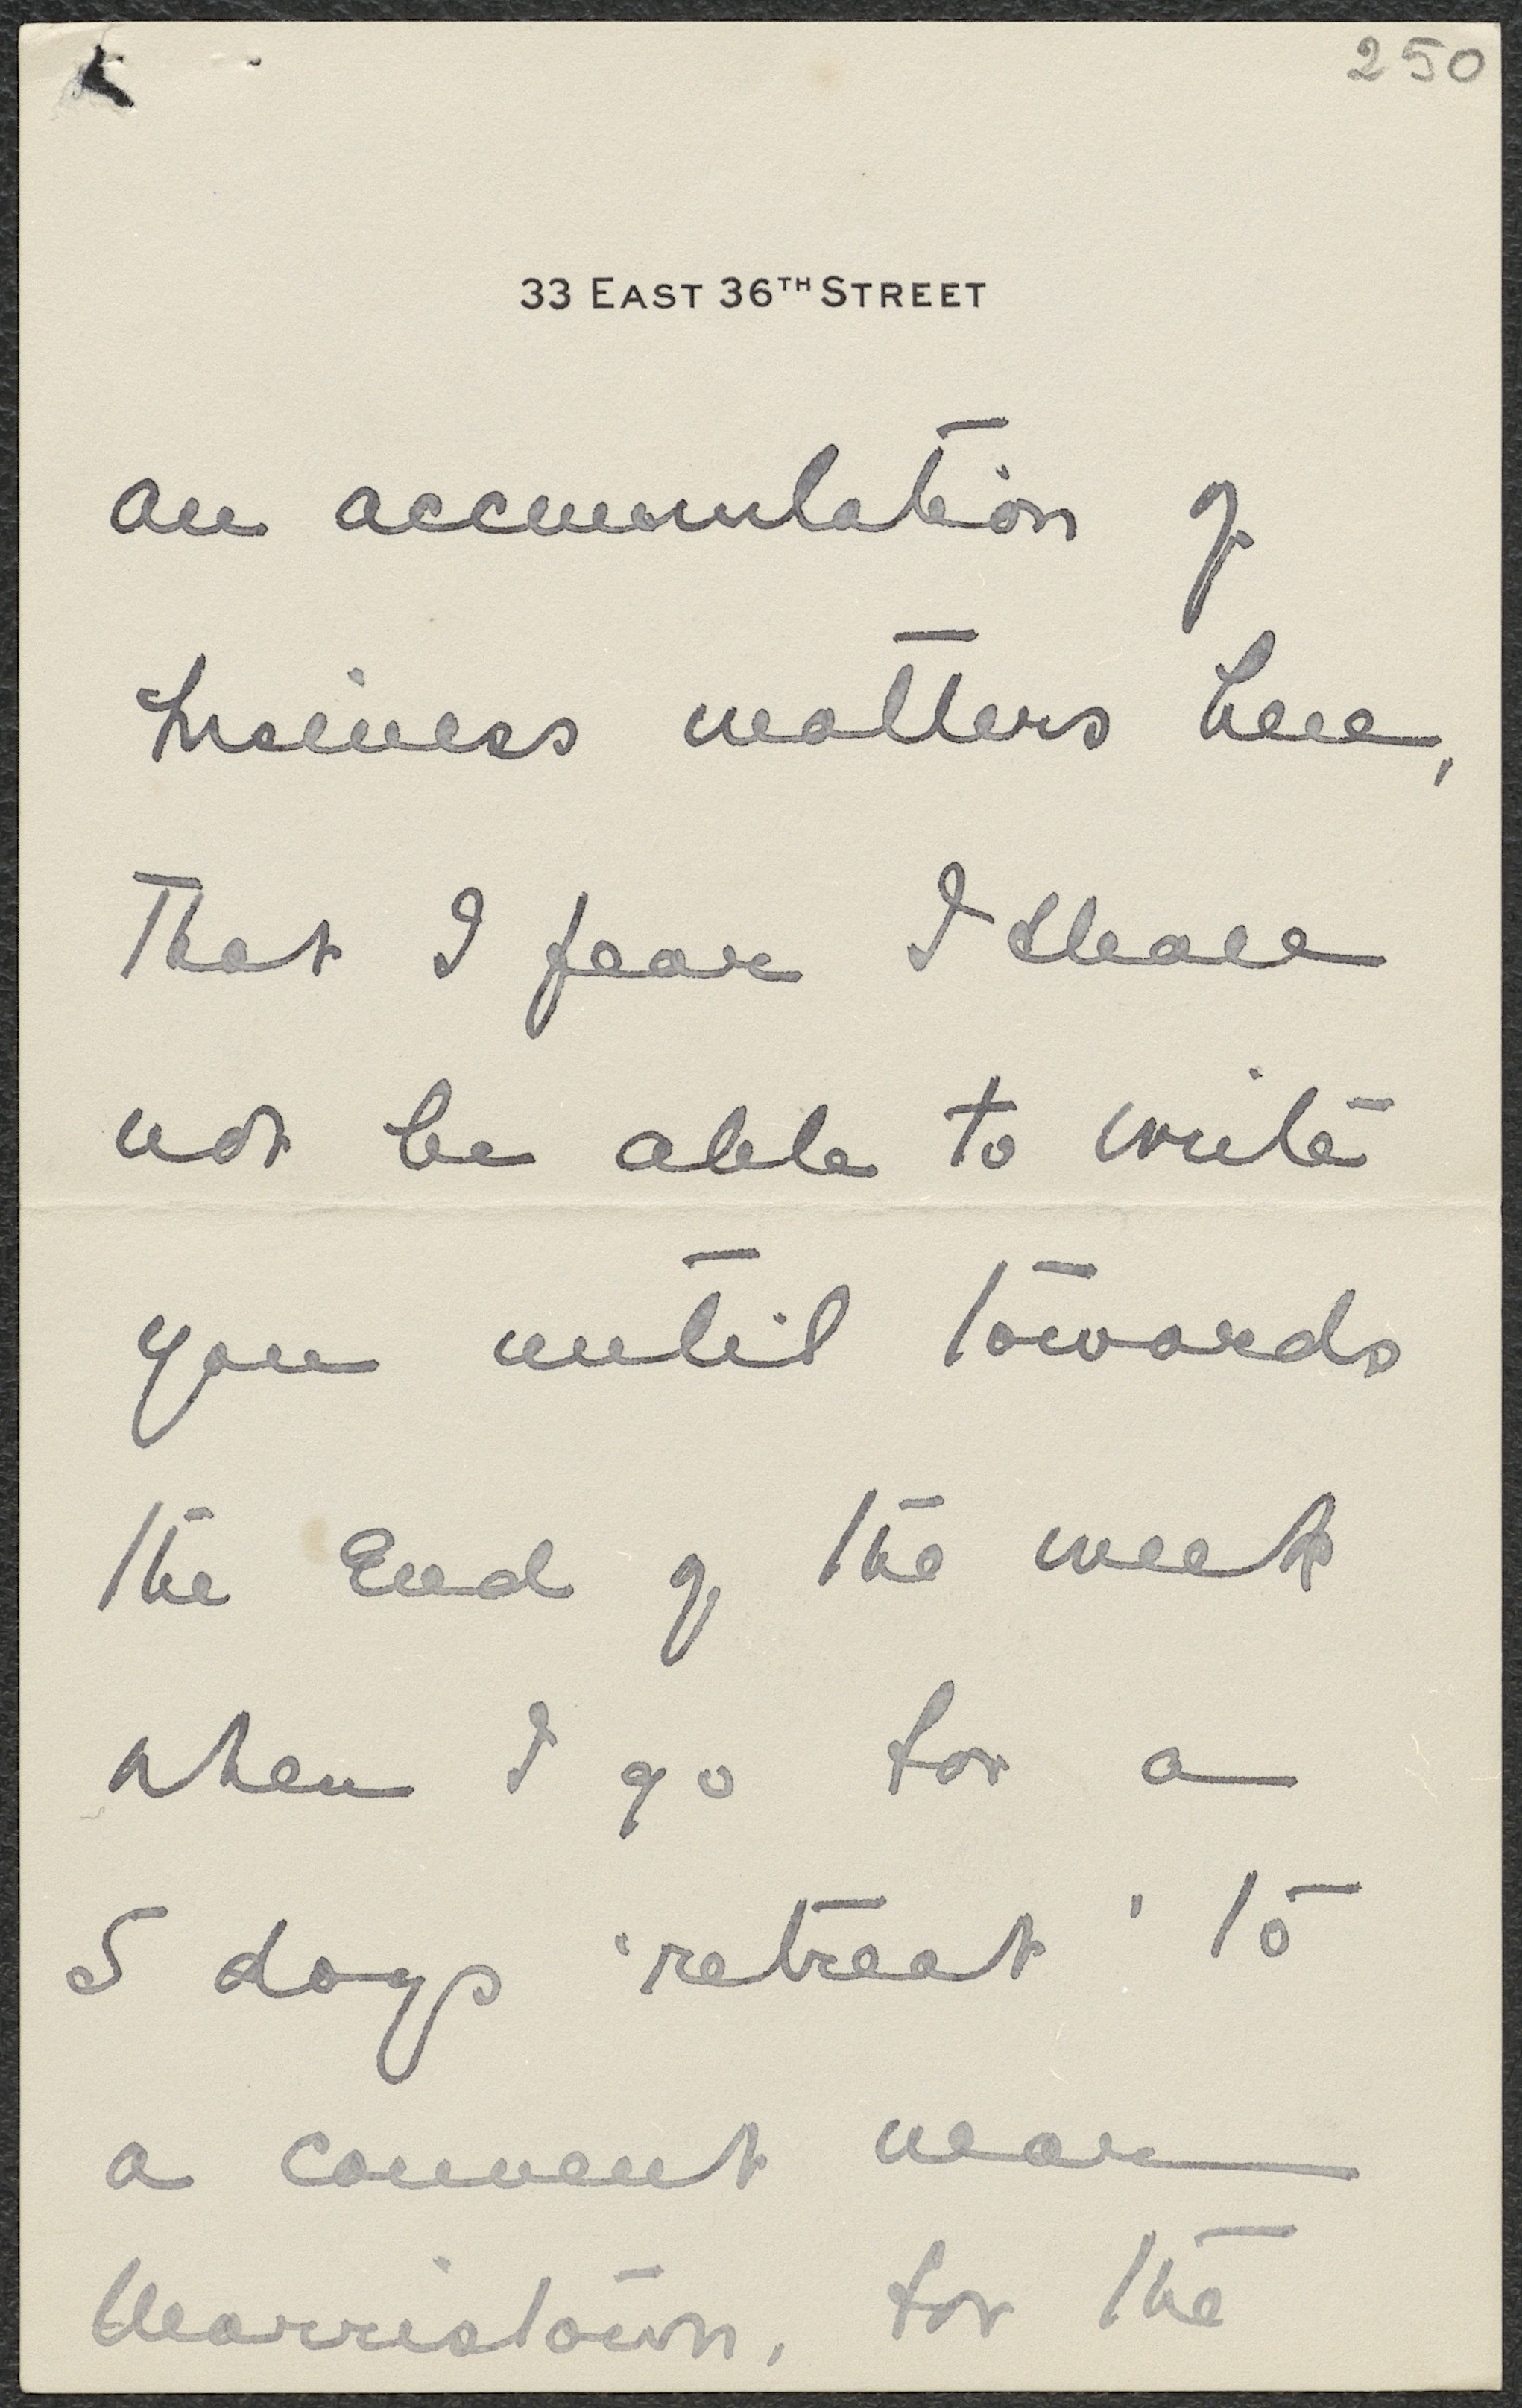an accumulation of business matters here, that I fear I shall not be able to write you until towards the end of the week when I go for a 5 days ‘retreat’ to a convent near Morristown, for the